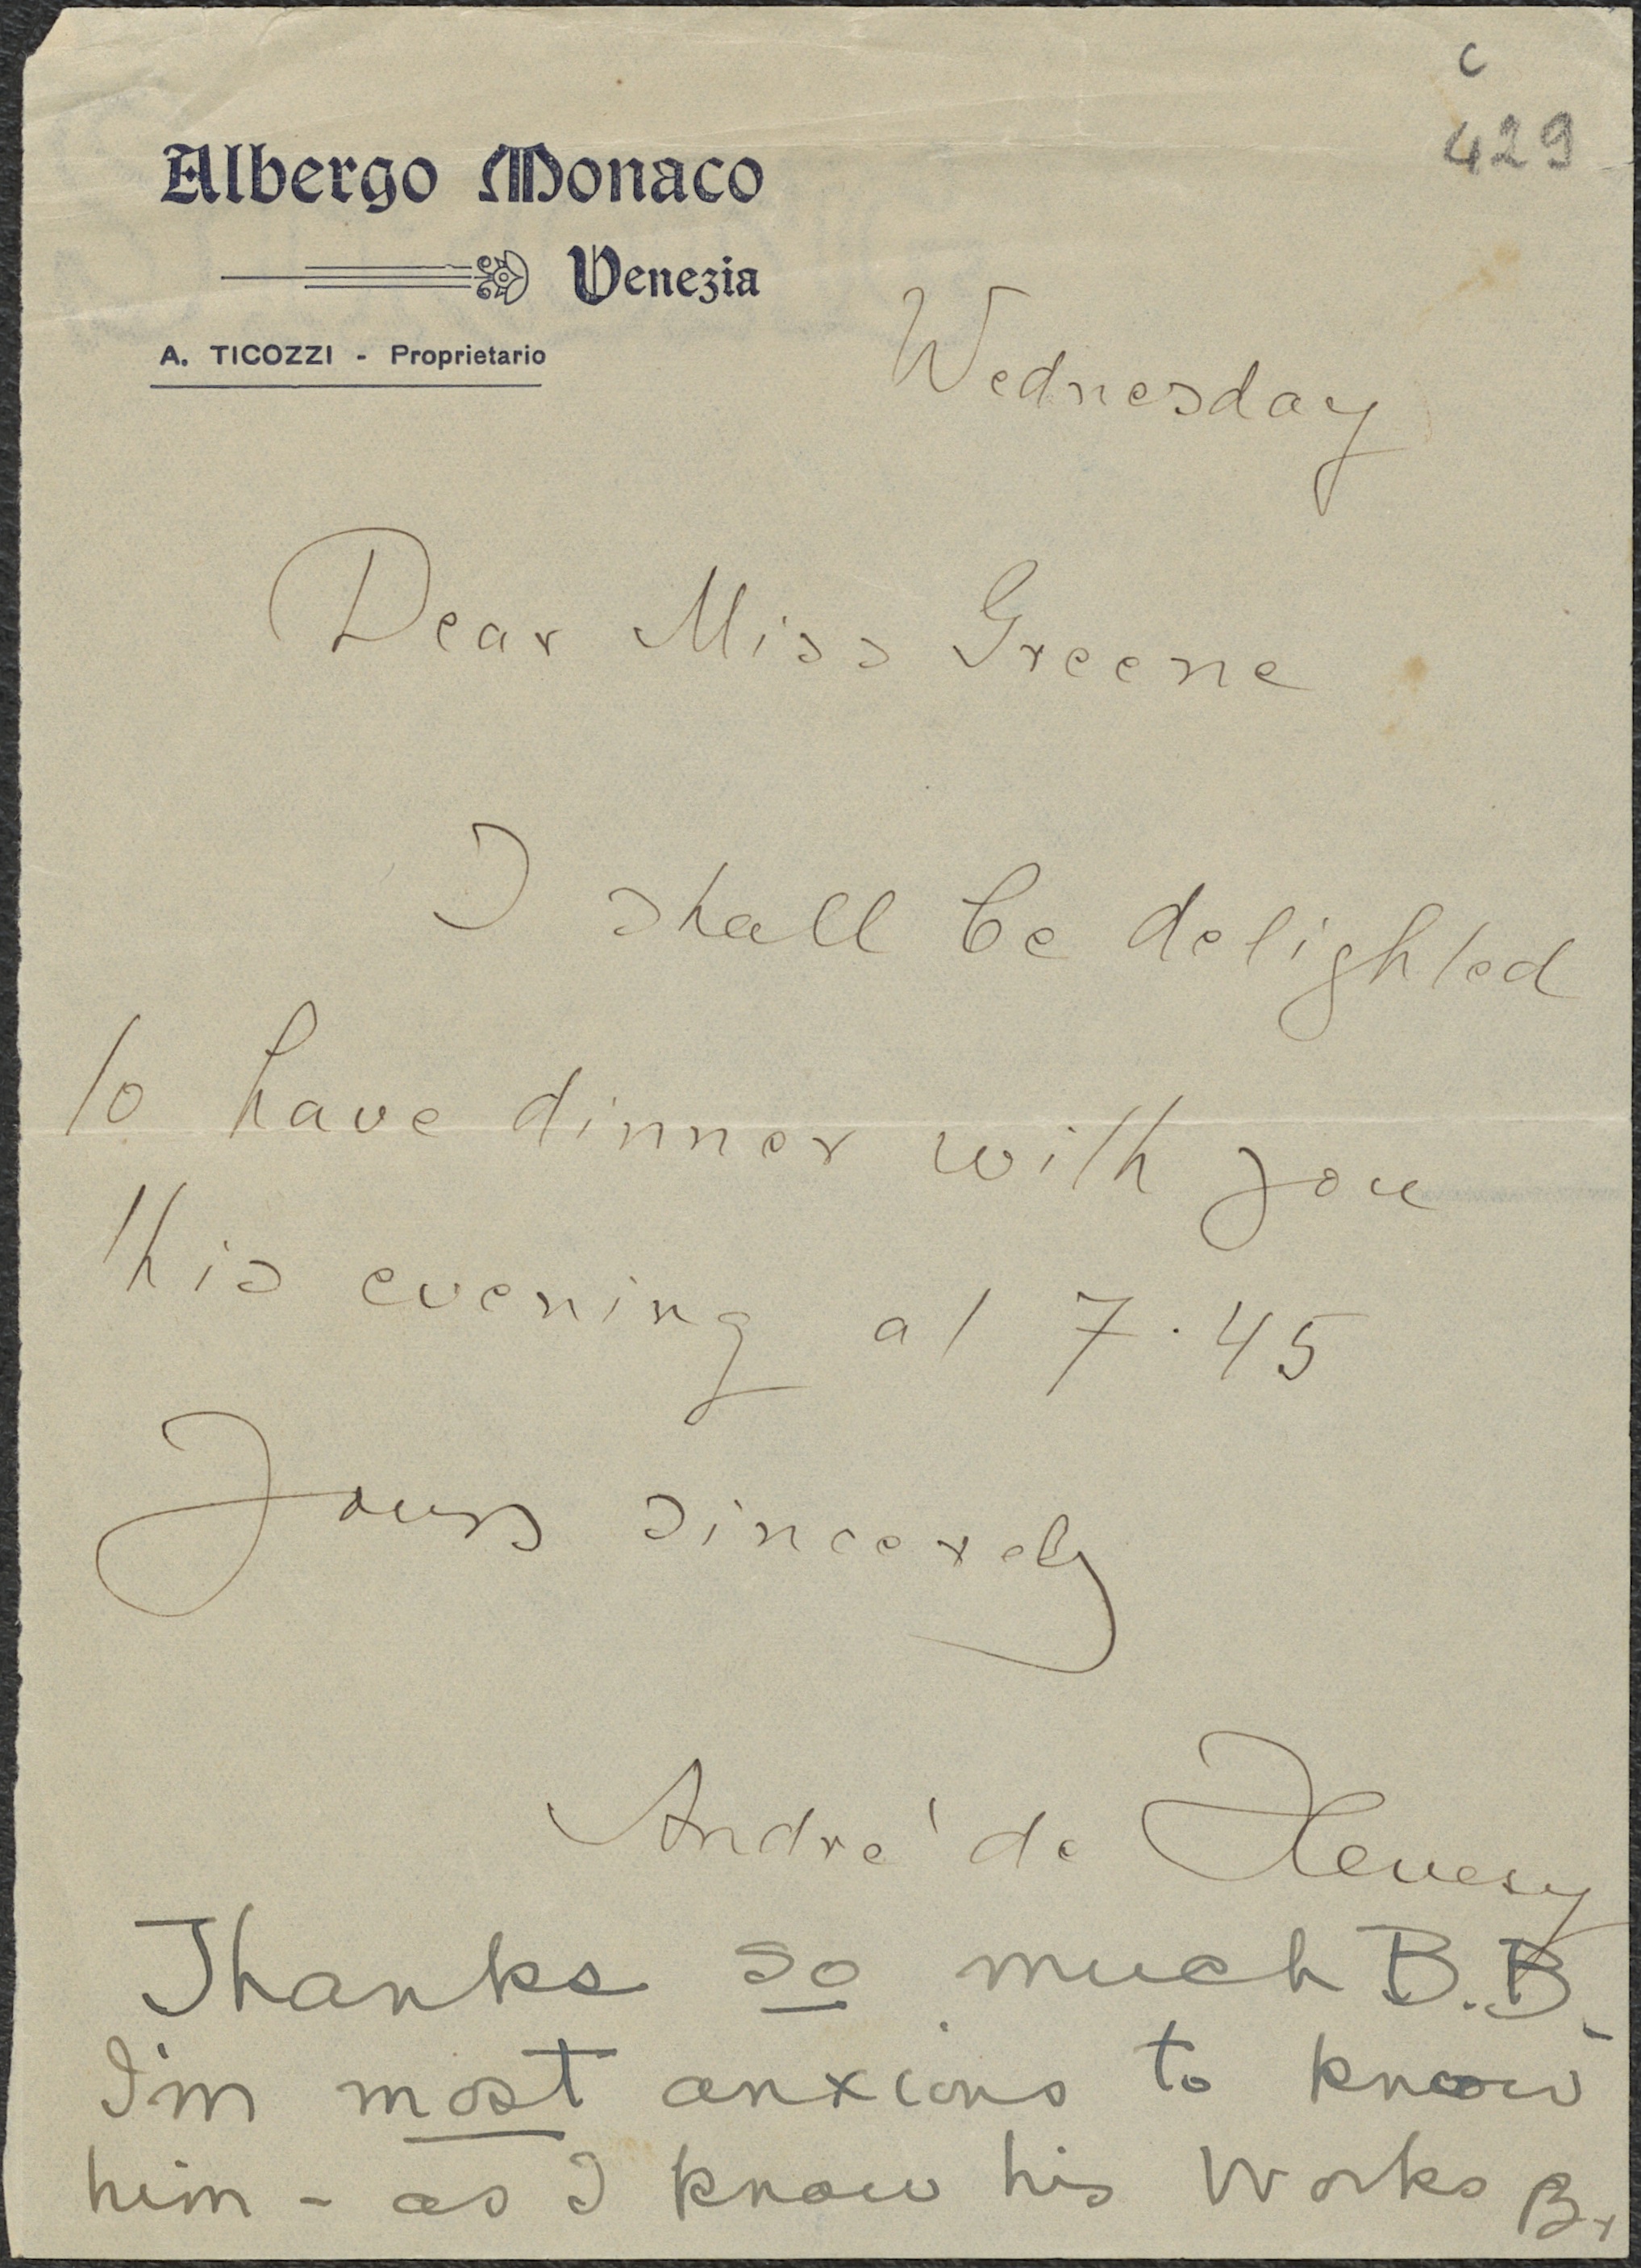Wednesday
Dear Miss Greene
I shall be delighted to have dinner with you this evening at 7·45
Yours Sincerely
Andrè de Hevesy
[Annotation by BG: Thanks so much B. B – I’m most anxious to know him – as I know his Works. B.]